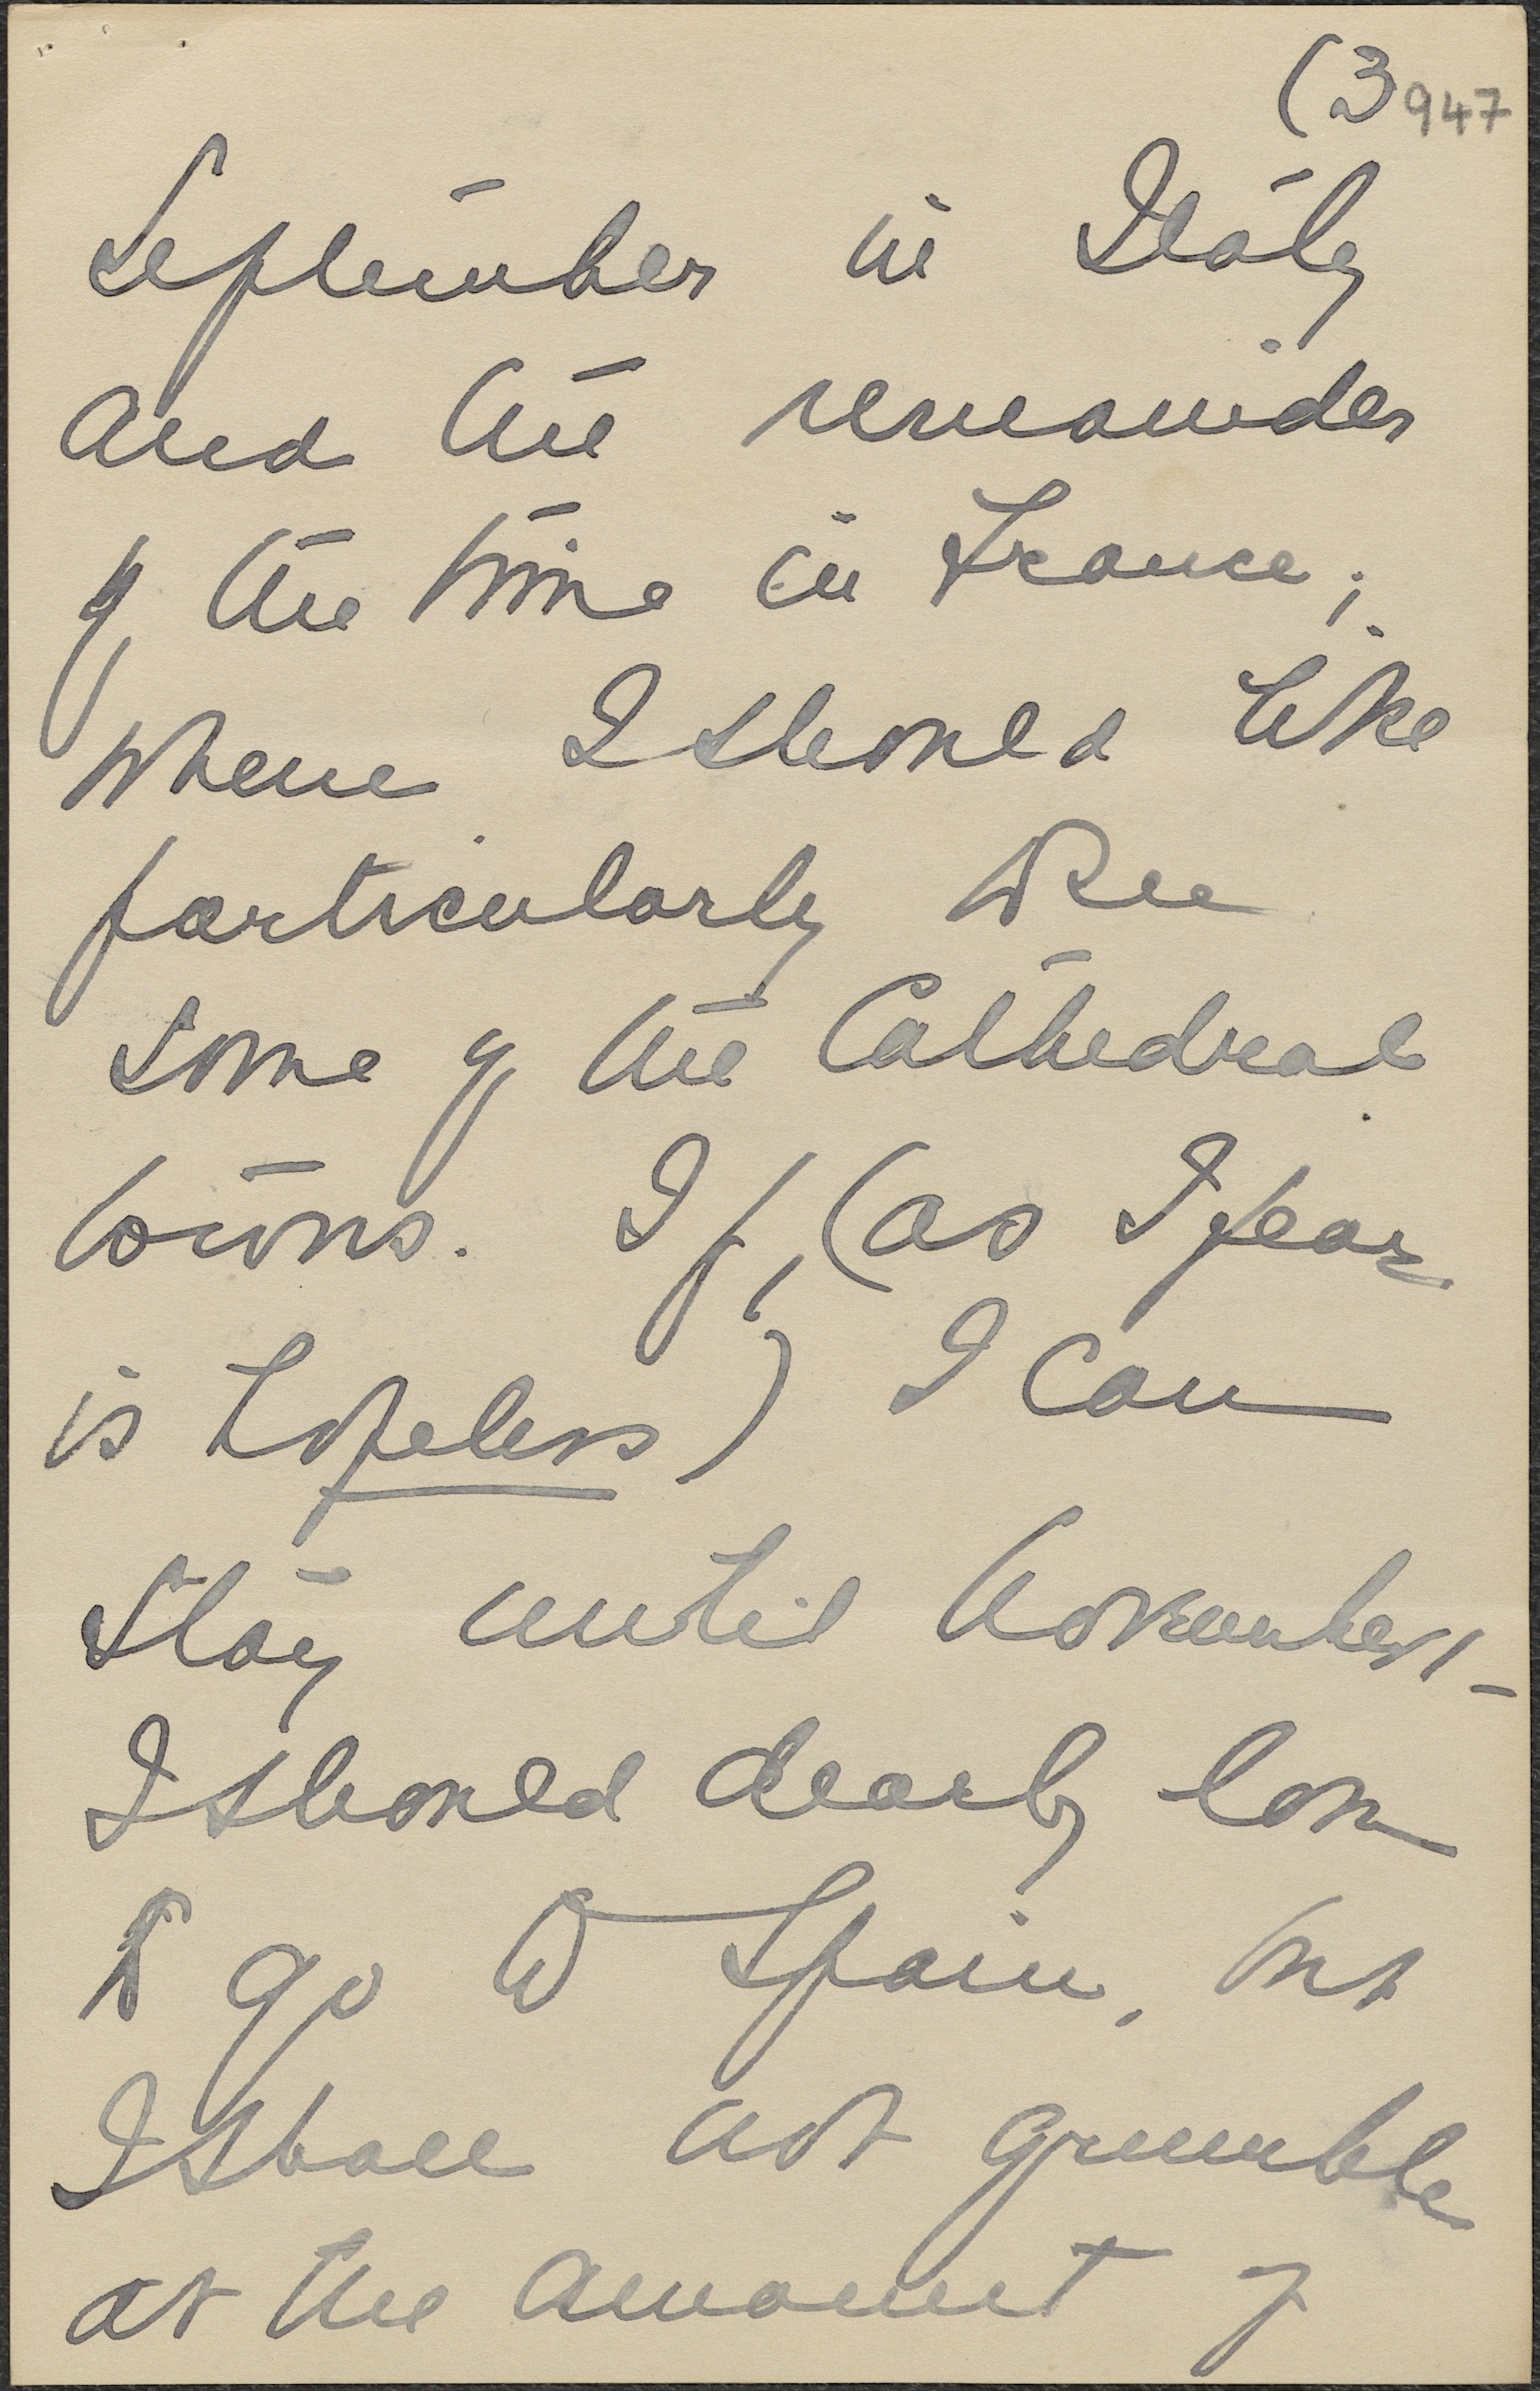(3
September in Italy and the remainder of the time in France; where I should like particularly to see some of the Cathedral towns. If, (as I fear is hopeless) I can stay until November 1 – I should dearly love to go to Spain, but I shall not grumble at the amount of